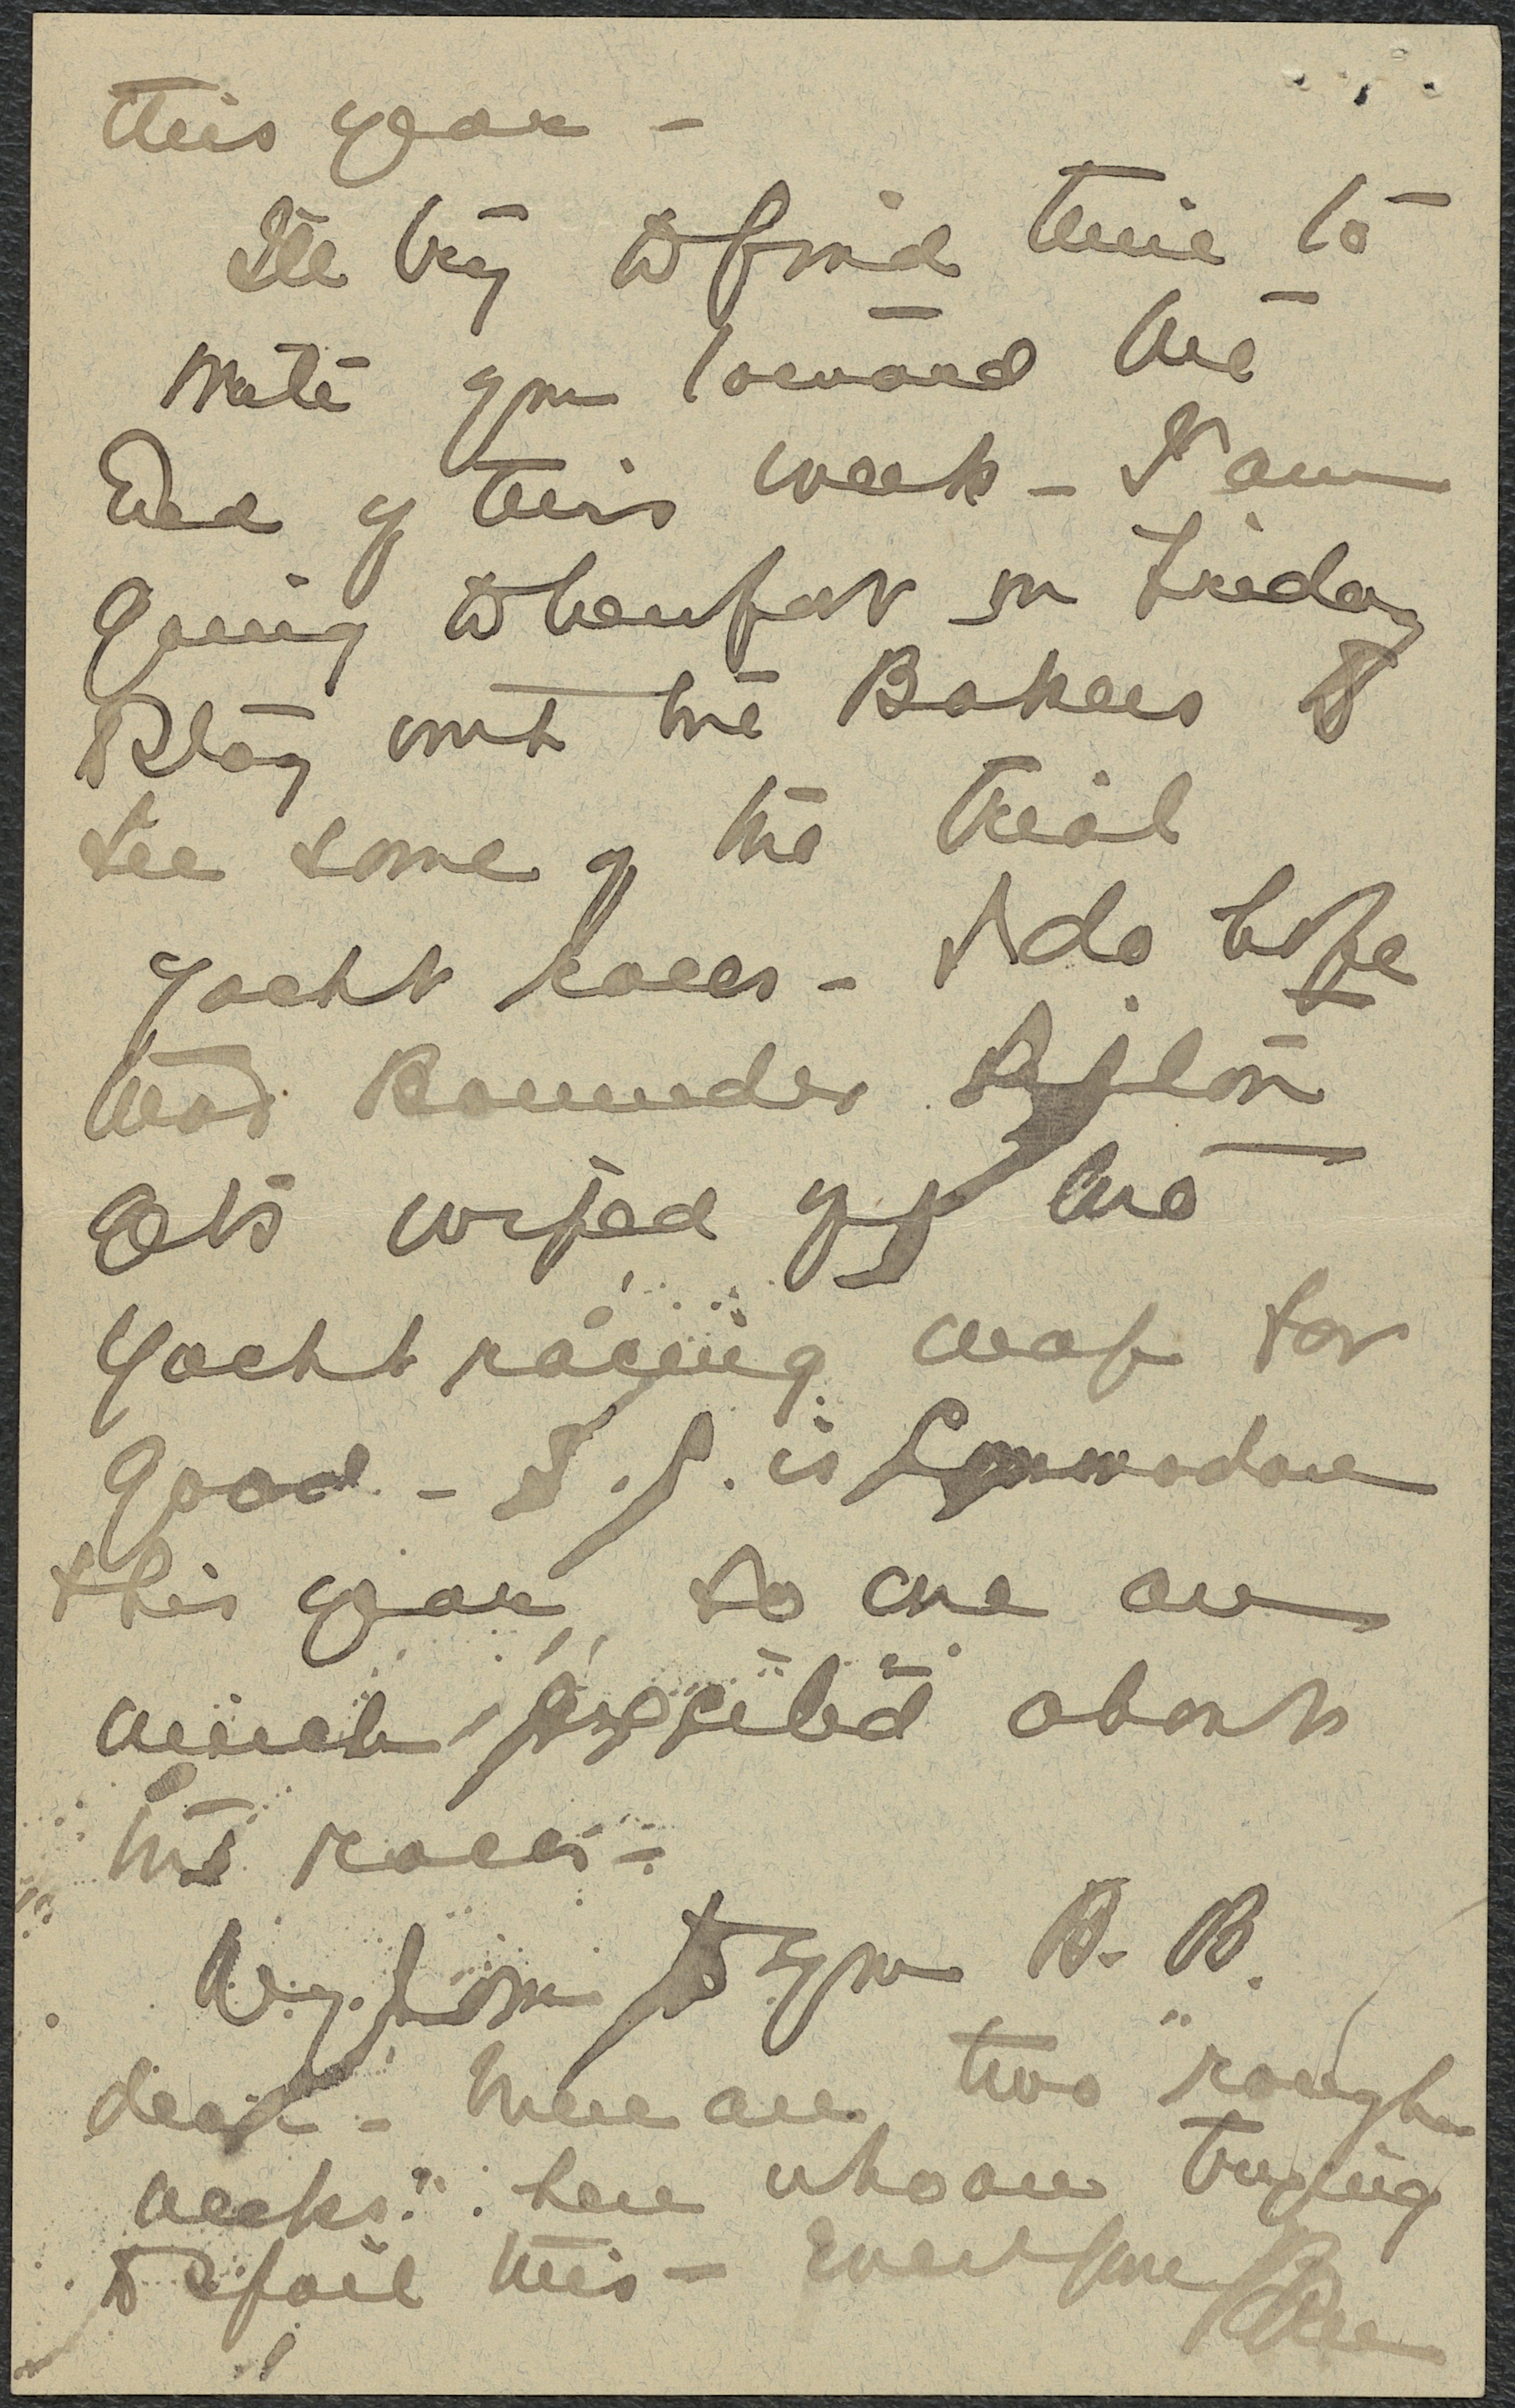this year –
I’ll try to find time to write you toward the end of this week– I am going to Newport on Friday to stay with the Bakers & see some of the trial yacht races – I do hope that Bounder Tipton gets wiped off the yacht racing map for good – J.P is Commodore this year, so we are much excited about the races.
My love to you B.B. dear – There are two "roughnecks" here who are trying to spoil this–
Ever Your
Belle